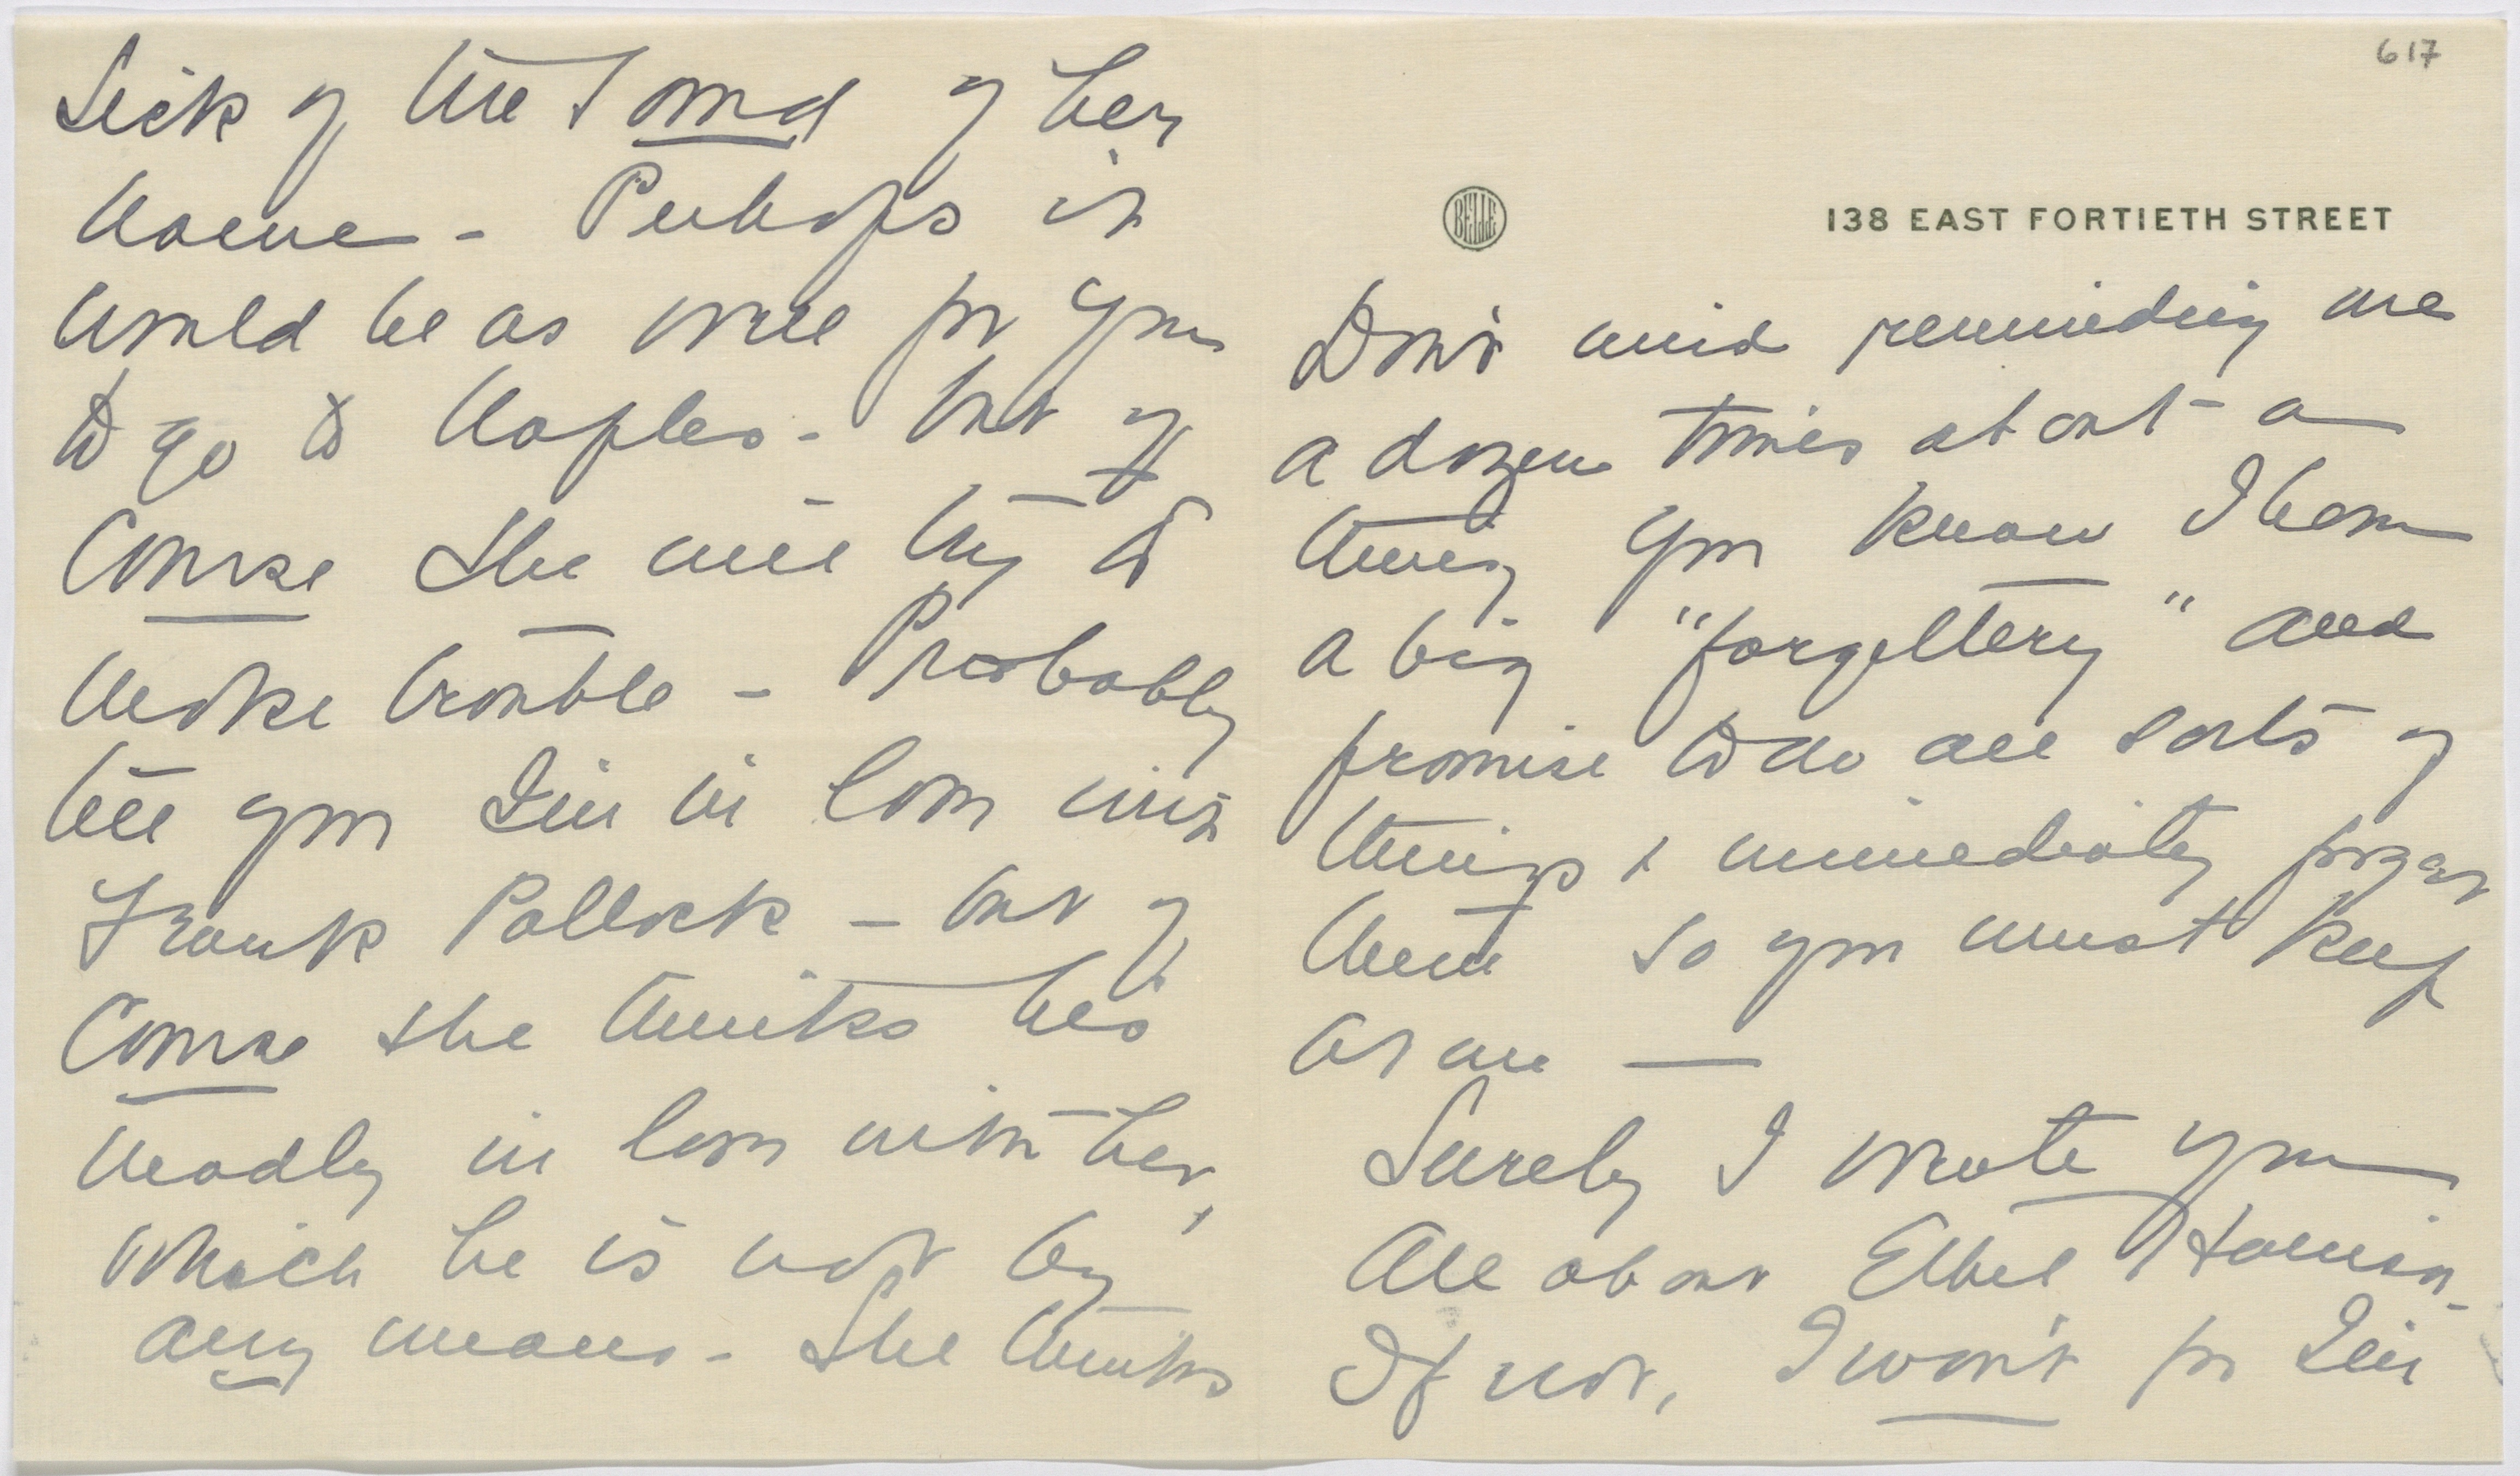Don’t mind reminding me a dozen times about a thing you know I have a big “forgettery” and promise to do all sorts of things & immediatly [sic] forget them so you must keep at me –
Surely I wrote you all about Ethel Harrison – If not, I won’t for I’m
sick of the sound of her name – Perhaps it would be as well for you to go to Naples – but of course she will try to make trouble – Probably tell you I’m in love with Frank Pollock – but of course she thinks he’s madly in love with her, which he is not by any means – She thinks